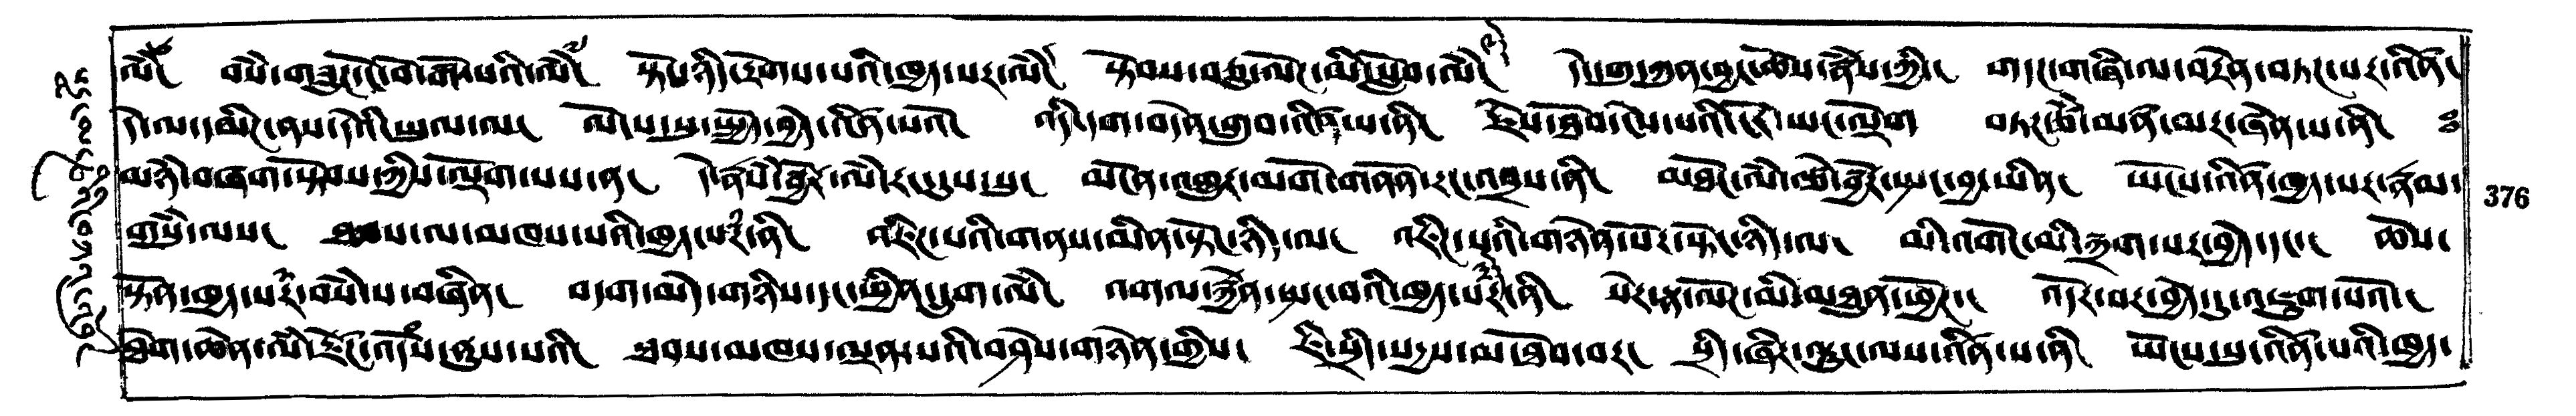ལམ། །བསམ་གཟུགས་ངོ་བོ་སྒཽམ་པའི་ལམ། །སྟོང་ཉིད་རྟོགས་པའི་ཁྱད་པར་ལམ། །སྟོབས་བཅུ་ལ་སོགས་མི་སློབ་ལམ། །དེ་དགུ་ཀུན་བྱང་ཆོས་རྣམས་ཀྱི། །གདགས་གཞི་ལ་བརྟེན་བཏགས་པར་འཛིན། །
དེ་ལ་དམིགས་ནས་དེའི་ཡུལ་ལ། །ལོངས་སུ་སྤྱོད་བྱེད་འཛིན་པའོ། །འདི་དག་བདེན་གྲུབ་འཛིན་པ་ནི། །རྗེས་ཐོབ་ངེས་པའི་ངོར་ཡང་ལྡོག།བཏགས་ཙམ་མཚན་མར་ཞེན་པ་ནི། །
མཉམ་བཞག་སྟོབས་ཀྱིས་ལྡོག་པས་ན། །དེ་རྣམས་སྦྱོར་ལམ་རང་དུས་སུ། །མངོན་འགྱུར་མགོ་གནོན་རང་འབྲས་ནི། །མཐོང་ལམ་རྩེ་སྦྱོར་སྤང་བྱ་ཡིན། །ཡོངས་འཛིན་ཁྱད་པར་རྣམ་
གསུམ་ལས། །ཐབས་ལ་མཁས་པའི་ཁྱད་པར་ནི། །འཇིགས་པའི་གནས་མིན་སྟོང་ཉིད་ལ། །འཇིགས་པའི་གཉེན་པོར་སྟོང་ཉིད་ལ། །མི་འགོང་མི་སྐྲག་པར་བྱེད་དང་། །ཆོས་
སྟོན་ཁྱད་པར་བསམ་པ་བཞིན། །བདག་མེད་གཉིས་དང་ཕྱིན་དྲུག་ལམ། །འགལ་རྐྱེན་སྤང་བའི་ཁྱད་པར་ནི། །སེར་སྣ་ལ་སོགས་མི་མཐུན་ཕྱོགས། །འདོར་བར་བྱེད་དུ་འཇུག་པའོ། །
ཐེག་ཆེན་ལམ་རྫོགས་འདོམས་ནུས་པའི། །ཐབས་མཁས་ལྡན་པའི་བཤེས་གཉེན་གྱིས། །ཇི་སྲིད་སངས་རྒྱས་མ་འཐོབ་བར། །སྲིད་ཞིར་ལྟུང་ལས་འཛིན་པ་ནི། །ཡོངས་སུ་འཛིན་པའི་ཁྱད་